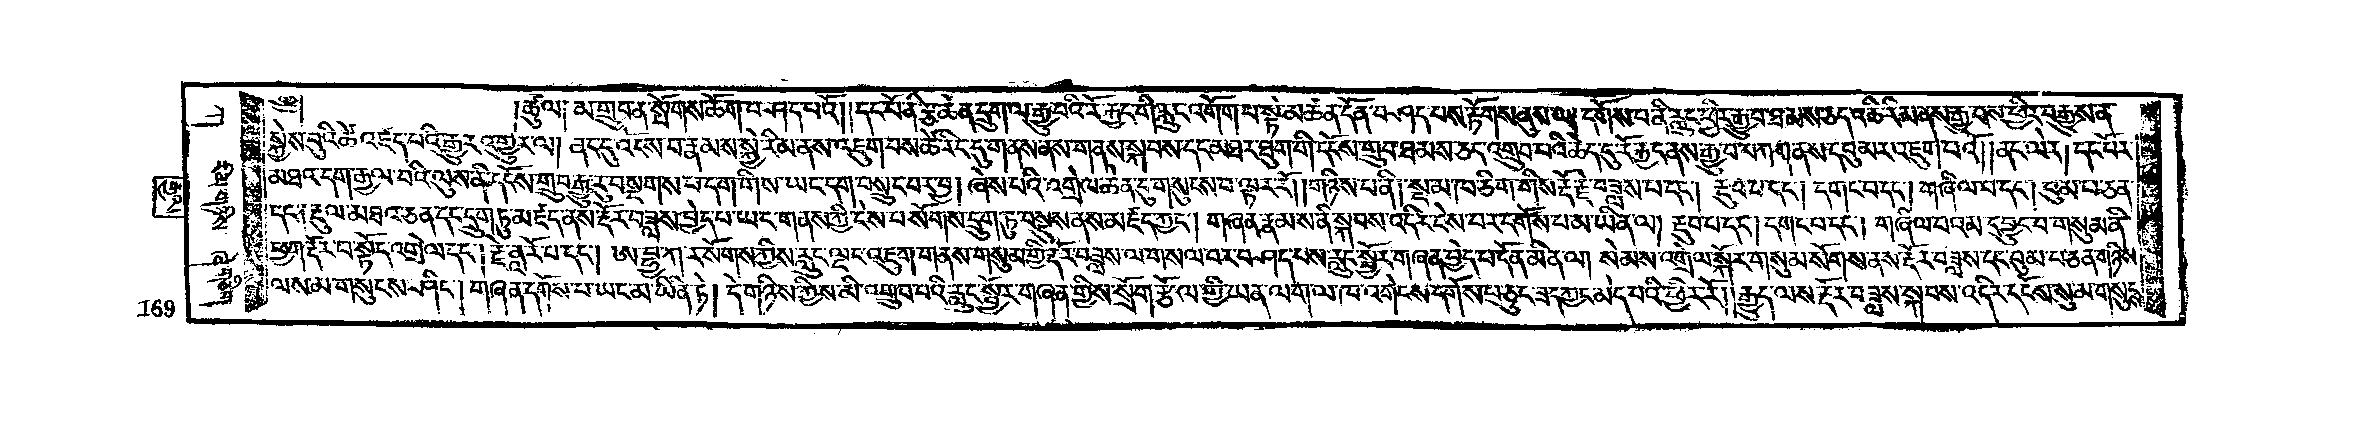༄༅། །ཚུལ། མ་གྲུབ་ན་སྤོགས་ཆོག་བཤད་པའོ། །དང་པོ་ནི་རྩ་ཆེན་དྲུག་ལ་རྒྱུ་བའི་རོ་རྐྱང་གི་རླུང་འགོག་པ་སྟེ་མཚན་དོན་བཤད་པས་རྟོགས་ནུས་ལ། དགོས་པ་ནི་རླུང་ཕྱིར་རྒྱུ་བ་ཐམས་ཅད་འཆི་རིམ་ནས་རྒྱུ་བས་ཕྱིར་བརྒྱུས་ན་
སྐྱེས་བུའི་ཚེ་འཛད་པའི་རྒྱུར་འགྱུར་ལ། ནང་དུ་འོངས་བ་རྣམས་སྐྱེ་རིམ་ནས་འཇུག་པས་ཚེ་རིང་དུ་གནས་ནས་གནས་སྐབས་དང་མཐར་ཐུག་གི་དངོས་གྲུབ་ཐམས་ཅད་འགྲུབ་པའི་ཆེད་དུ་རོ་རྐྱང་ནས་རྒྱུ་བ་བཀག་ནས་དབུ་མར་འཇུག་པའོ། །དང་པོར་
མཐའ་དག་རྒྱལ་བའི་ལུས་ནི་དངོས་གྲུབ་རྒྱུ་རུ་བསྔགས་པ་དག་གིས་ཡང་དག་བསྲུང་བར་བྱ། ཞེས་པའི་འགྲེལ་ཆེན་དུ་གསུངས་པ་ལྟར་རོ། །གཉིས་པ་ནི། སྔ་མ་ཁ་ཅིག་གིས་རྡོ་རྗེ་བཟླས་པ་དང་། རྡུབ་བ་དང་། དགང་བ་དང་། གཞིལ་བ་དང་། བུམ་པ་ཅན་
དང༑ རྡུལ་མཐའ་ཅན་དང་དྲུག་ཏུ་མཛད་ནས་རྡོར་བཟླས་བྱེད་པ་ཡང་གནས་ཀྱི་ངེས་པ་སོགས་དྲུག་ཏུ་བསྡུས་ནས་མཛད་ཀྱང་། གཞན་རྣམས་ནི་སྐབས་འདིར་ངེས་པར་དགོས་པ་མ་ཡིན་ལ། རྔུབ་པ་དང་། དགང་བ་དང་། གཞིལ་བའམ་དབྱུང་བ་གསུམ་ནི་
ཕྱག་རྡོར་བསྟོད་འགྲེལ་དང་། རྗེ་ནཱ་རོ་པ་དང་། ཨ་བྷྱ་ཀ་ར་སོགས་ཀྱིས་རླུང་ལྡང་འཇུག་གནས་གསུམ་གྱི་རྡོར་བཟླས་ལ་གསལ་བར་བཤད་པས་རླུང་སྦྱོར་གཞན་བྱེད་པ་དོན་མིན་ལ། སེམས་འགྲེལ་སྐོར་གསུམ་སོགས་ནས་རྡོར་བཟླས་དང་བུམ་པ་ཅན་གཉིས་
ལས་མ་གསུངས་ཤིང་། གཞན་དགོས་པ་ཡང་མ་ཡིན་ཏེ། དེ་གཉིས་ཀྱིས་མི་འགྲུབ་པའི་རླུང་སྦྱོར་གཞན་གྱིས་སྲོག་རྩོལ་གྱི་ཡན་ལག་ལ་ཁ་འགེངས་དགོས་པ་ཅུང་ཟད་ཀྱང་མེད་པའི་ཕྱིར་རོ། །རྒྱུད་ལས་རྡོར་བཟླས་སྐབས་འདིར་དངོས་སུ་མ་གསུངས་